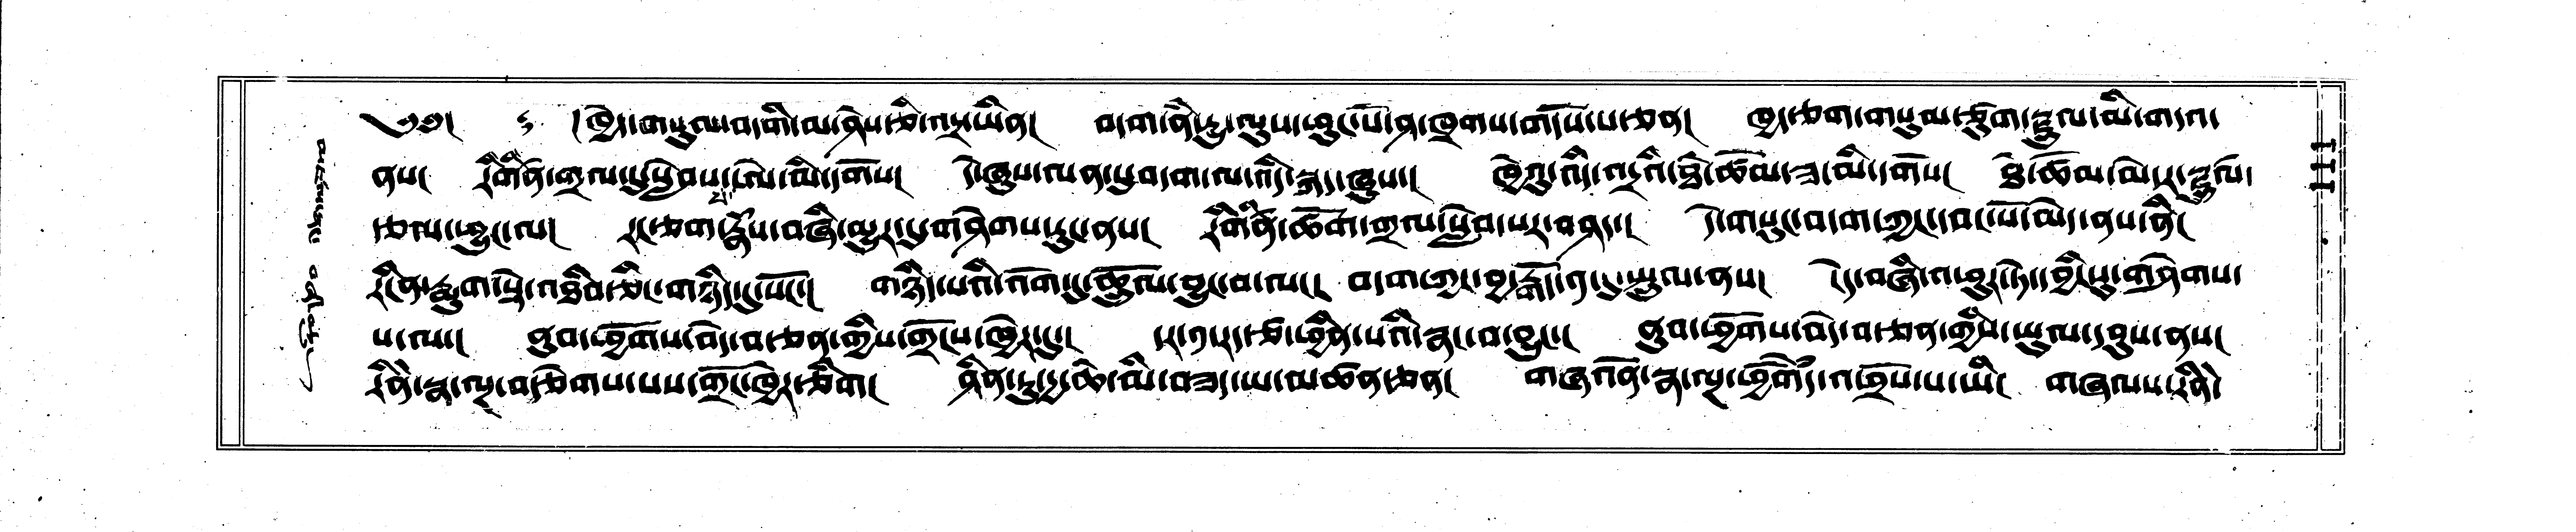ཁྱེད་གསུམ་བདག་གི་མ་ཤེས་ཅི་འདྲ་ཡིན། བདག་ནི་རྒྱུ་ལུས་ཕུང་པོ་ཤ་ཁྲགས་གདོས་པ་ཅན། ཁྱད་ཅག་གསུམ་ཙུག་རྫུ་འཕྲུལ་མི་གདའ་
ནས། རིག་འཛིན་གྲལ་དུ་སླེབས་པ་ཨེ་མི་དགོས། དེ་ཞུས་ལན་དུ་བདག་ལ་འདི་སྐད་ཞུས། ཁྱེའུ་འདི་འདྲའི་ཐེ་ཚོམ་ཟ་མི་དགོས། ཐེ་ཚོམ་མེད་པར་རྫུ་འཕྲུལ་
རྩལ་ཕྱུང་ལ། རང་ཅག་རྣམ་བཞི་མྱུར་དུ་གཤེགས་རུང་ནས། རིག་འཛིན་ཚོགས་གྲལ་སླེབས་པར་བཤད། དེ་གསུང་བདག་ཀྱང་དབང་པོ་མེད་ནས་ནི། 
རང་བཞིན་རྨུག་སྟེ་འཐིབ་ཅིང་གཉིད་དུ་སོང་། གཉིད་པའི་འོག་ཏུ་ཆོ་འཕྲུལ་བྱུང་བ་ལ། བདག་ཀྱང་བྱ་རྒོད་གཅིག་དུ་སྤྲུལ་ནས། ངེད་བཞི་འཕུར་ཏེ་དབྱིངས་སུ་གཤེགས་
པ་ལ། ནུབ་ཕྱོགས་བདེ་བ་ཅན་གྱིས་གྲོང་ཁྱེར་དུ། དར་གཅིག་རད་ཙ་ཕྱིན་པའི་སྣང་བ་བྱུང་། ནུབ་ཕྱོགས་བདེ་བ་ཅན་གྱིས་ཡུལ་དབུས་ནས། 
རིན་ཆེན་སྣ་ལྔ་བརྩེགས་པའི་གྲོང་ཁྱེར་ཅིག ཤིན་ཏུ་རྒྱ་ཆེ་མི་བཟད་ཡ་མཚན་ཅན། གཞའ་ཚོན་སྣ་ལྔ་ཕྱོགས་མེད་འཕྲོས་པ་ཡི། གཞལ་ཡས་རིན་ཆེན་